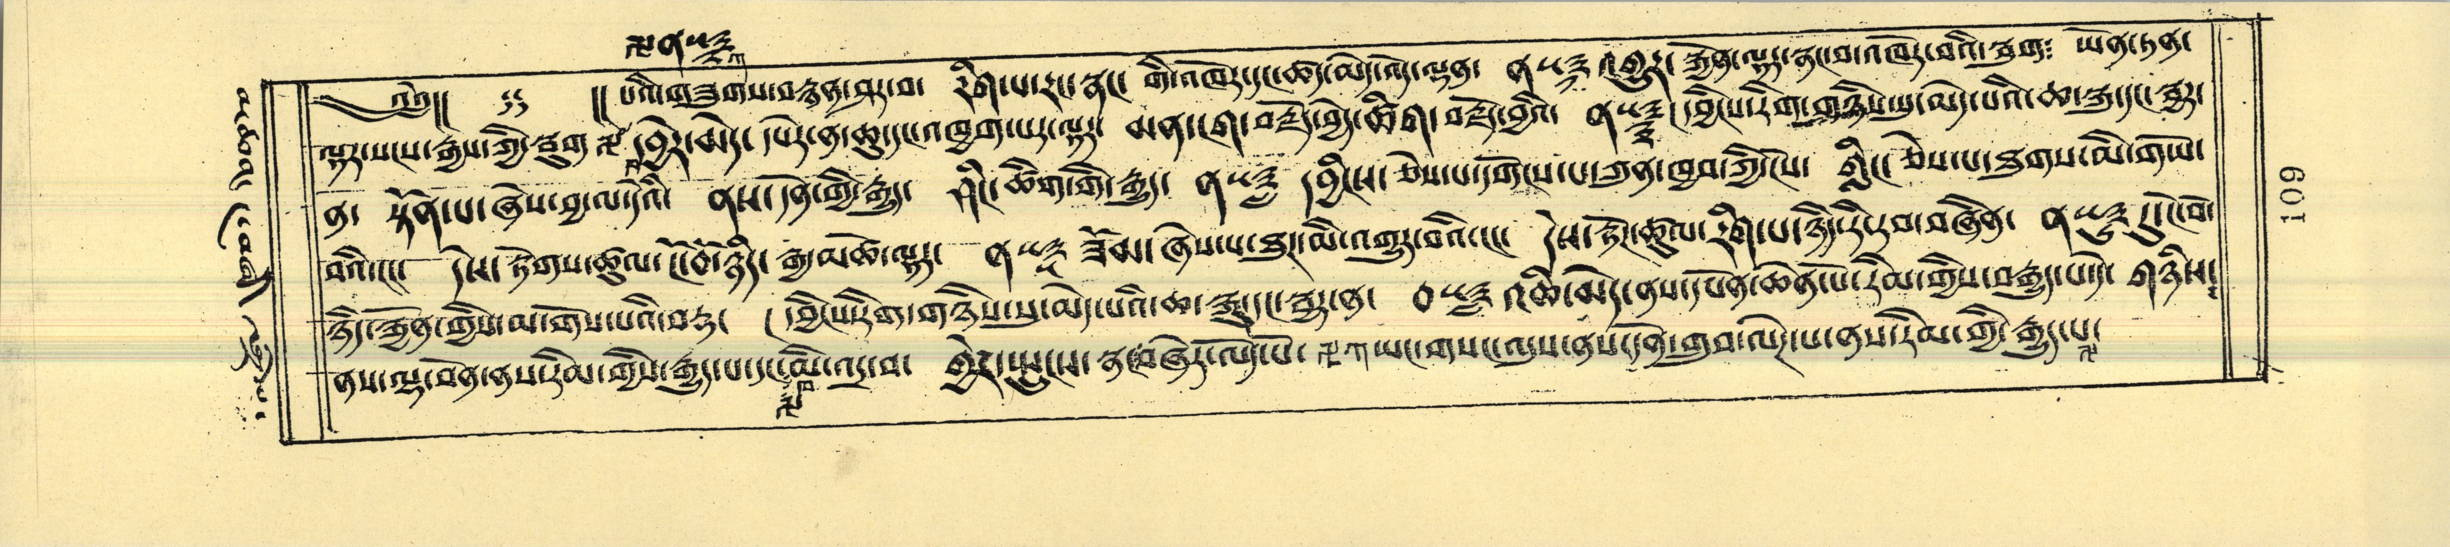པའི་གཟུགས་བརྙན་ཤར་བ་༼རིག་པ་རང་སྣང་༽གི་འཁོར་དང་ཚད་མེད་འོད་ལྡན་ན༥༣།༡༼འགྱུར༽སྐྱོན་ལྟར་སྣང་བ་འཁོར་བའི་སྦུག་ཡོན་ཏན་
ལྟར་སངས་རྒྱས་ཀྱི་སྦུག་ན༥༣།༢༼དབྱེར་མདེ༽དཔེར་ན་ཆུ་དང་འཁྱག་པ་ལྟར་༼མན་ངག༽རྗོད་བྱེད་༼ཚིག༽བརྗོད་བྱའི་ན༥༣།༣དབྱིངས་རིག་གཉིས་སུ་མེད་པའི་ཆ་སྐུ་དང་སྦྱར་
ན་༼སྟོན་པ༽ཞེས་བྱ་ལ་དེའི་༼ནས༽དོན་གྱི་རྒྱུད་༼ཤིང༽ཚིག་གི་རྒྱུད་ན༥༣།༤༼དབྱིངས༽ཅེས་པ་དགོངས་པ་ཀུན་ཁྱབ་ཀྱི་ངོས་༼གླིང༽ཅེས་པ་ཐུགས་མི་གཡོ་
བའི་ངང་༼དེས༽རྟོགས་ཚུལ་༼ངོ་བོ་ཉིད༽རྒྱ་མཚོ་ལྟར་ན༥༣།༥༼ཟོམ༽ཞེས་པ་ཐུགས་མི་འགྱུར་བའི་ངང་ ༼དེས༽རྟོགས་ཚུལ་༼རིག་པ༽ཉིད་རི་རབ་བཞིན་ན༥༣།༦༼དུ༽ངོ་བོ་
ཉིད་སྐྱོན་གྱིས་མ་གོས་པའི་བརྡ། དབྱིངས་རིག་གཉིས་སུ་མེད་པའི་ཆ་སྐུ་དང་སྦྱར་ན་བ༥༣།༤ ༼འཆི་མེད༽ནས་དཔོན་ཆེན་པོ་རིམ་གྱིས་བརྒྱུད་པ་དེ་༼གཉིས༽
ནས་ལྷ་བོན་ནས་རིམ་གྱིས་བརྒྱུད་པ་དང་། ཡང་གསང་བ་འདུས་པ་ནས་དོན་གྲུབ་ལེགས་པ་ནས་རིམ་གྱིས་བརྒྱུད་པ་དང་མི་འདྲ་བ་༼གྱེར་སྤུངས༽སྣང་བཞེར་ལོད་པོ་